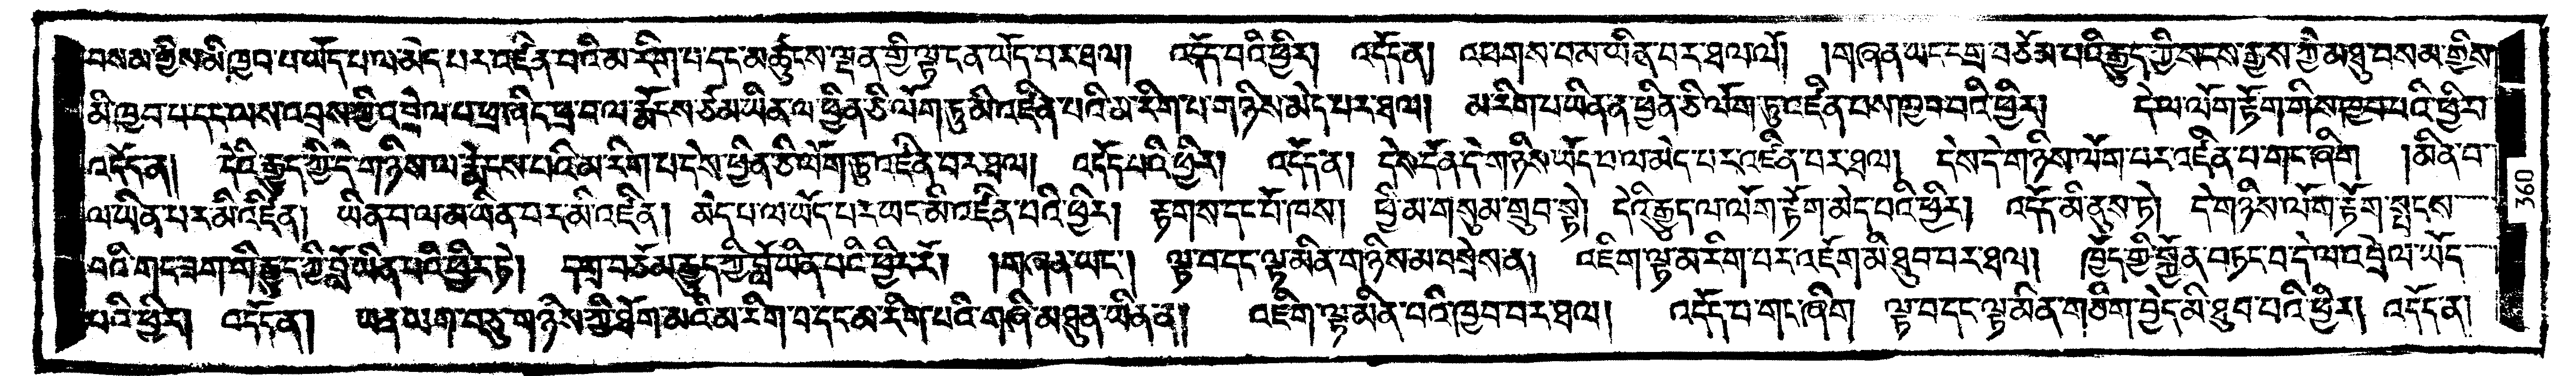བསམ་གྱིས་མི་ཁྱབ་པ་ཡོད་པ་ལ་མེད་པར་འཛིན་པའི་མ་རིག་པ་དང་མཚུངས་ལྡན་གྱི་ལྟ་ངན་ཡོད་པར་ཐལ། འདོད་པའི་ཕྱིར། འདོད་ན། འཕགས་པ་མ་ཡིན་པར་ཐལ་ལོ། །གཞན་ཡང་དགྲ་བཅོམ་པའི་རྒྱུད་ཀྱི་སངས་རྒྱས་ཀྱི་མཐུ་བསམ་གྱིས་
མི་ཁྱབ་པ་དང་ལས་འབྲས་ཀྱི་འབྲེལ་བ་ཕྲ་ཞིང་ཕྲ་བ་ལ་རྨོངས་ཙམ་ཡིན་ལ་ཕྱིན་ཅི་ལོག་ཏུ་མི་འཛིན་པའི་མ་རིག་པ་གཉིས་མེད་པར་ཐལ། མ་རིག་པ་ཡིན་ན་ཕྱིན་ཅི་ལོག་ཏུ་འཛིན་པས་ཁྱབ་པའི་ཕྱིར། དེ་ལ་ལོག་རྟོག་གིས་ཁྱབ་པའི་ཕྱིར།
འདོད་ན། དེའི་རྒྱུད་ཀྱི་དེ་གཉིས་ལ་རྨོངས་པའི་མ་རིག་པ་དེས་ཕྱིན་ཅི་ལོག་ཏུ་འཛིན་པར་ཐལ། འདོད་པའི་ཕྱིར། འདོད་ན། ངེས་དོན་དེ་གཉིས་ཡོད་པ་ལ་མེད་པར་འཛིན་པར་ཐལ། ངེས་དེ་གཉིས་ལོག་པར་འཛིན་པ་གང་ཞིག །མིན་པ་
ལ་ཡིན་པར་མི་འཛིན། ཡིན་པ་ལ་མ་ཡིན་པར་མི་འཛིན། མེད་པ་ལ་ཡོད་པར་ཡང་མི་འཛིན་པའི་ཕྱིར། རྟགས་དང་པོ་ཁས། ཕྱི་མ་གསུམ་གྲུབ་སྟེ། དེའི་རྒྱུད་ལ་ལོག་རྟོག་མེད་པའི་ཕྱིར། འདོད་མི་ནུས་ཏེ། དེ་གཉིས་ལོག་རྟོག་སྤངས་
བའི་གང་ཟག་གི་རྒྱུད་ཀྱི་བློ་ཡིན་པའི་ཕྱིར་ཏེ། དགྲ་བཅོམ་རྒྱུད་ཀྱི་བློ་ཡིན་པའི་ཕྱིར་རོ། །གཞན་ཡང་། ལྟ་བ་དང་ལྟ་མིན་གཉིས་མ་བསྲེས་ན། འཇིག་ལྟ་མ་རིག་པར་འཇོག་མི་ཐུབ་པར་ཐལ། ཁྱོད་ཀྱི་སྐྱོན་བཏང་བ་དེ་ལ་འབྲེལ་ཡོད་
པའི་ཕྱིར། འདོད་ན། ཡན་ལག་བཅུ་གཉིས་ཀྱི་ཐོག་མའི་མ་རིག་པ་དང་མ་རིག་པའི་གཞི་མཐུན་ཡིན་ན། འཇིག་ལྟ་མིན་པའི་ཁྱབ་པར་ཐལ། འདོད་པ་གང་ཞིག་ལྟ་བ་དང་ལྟ་མིན་གཅིག་བྱེད་མི་ཐུབ་པའི་ཕྱིར། འདོད་ན།